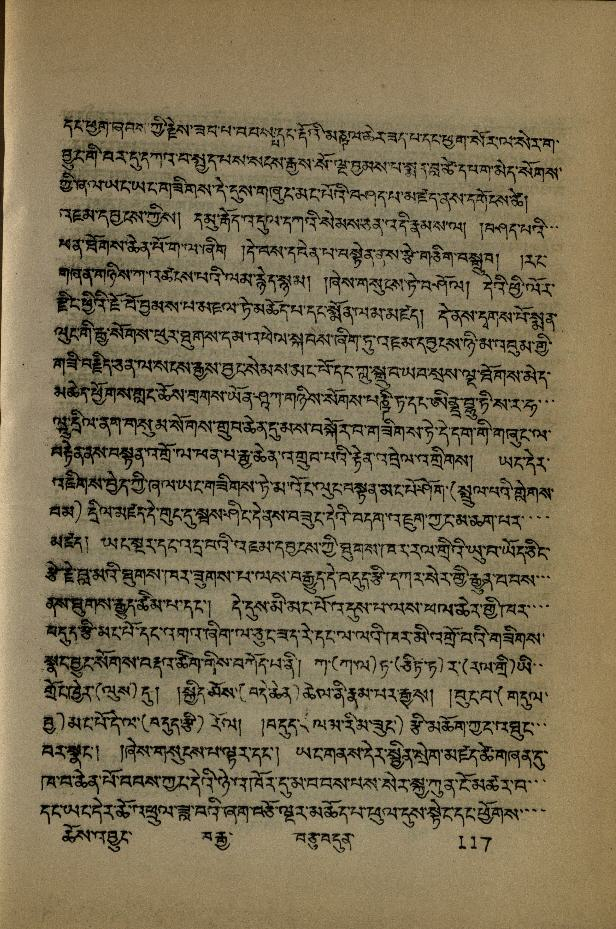དང་ཕྱག་ཞབས་ཀྱི་རྗེས་ཟབ་པ་བབས་པ་དང་རྡོའི་མཎྜལ་ཆེར་ཟད་པ་དང་ཕྱག་སོར་ལ་སེར་ག་
བྱུང་གི་བར་དུ་དཀའ་བ་སྤྱད་པས་སངས་རྒྱས་སོ་ལྔ་བྱམས་པ་སྨན་བླ་ཚེ་དཔག་མེད་སོགས་
ཀྱི་ཞལ་ཡང་ཡང་གཟིགས་དེ་དུས་གཞུང་མང་པོའི་བཤད་པ་མཛད་ནས་དགོངས་ཚེ།
འཇམ་དབྱངས་ཀྱིས། དམུ་རྒོད་འདུལ་དཀའི་སེམས་ཅན་འདི་རྣམས་ལ། །བཤད་པའི་
ཕན་ཐོགས་ཆེན་པོ་ག་ལ་ཞིག །དེ་བས་དབེན་པ་བསྟེན་ནས་རྩེ་གཅིག་བསྒྲུབ། །རང་
གཞན་གཉིས་ཀ་འཚངས་པའི་ལམ་རྙེད་སྙམ། །ཞེས་གསུངས་ཏེ་བཤོལ། དེའི་ཕྱི་ལོར་
རྫིང་ཕྱིའི་ཇོ་བོ་བྱམས་པ་མཇལ་ཏེ་མཆོད་པ་དང་སྨོན་ལམ་མཛད། དེ་ནས་དྭགས་པོ་སྨན་
ལུང་གི་རྒྱ་སོགས་ཕུར་ཐུགས་དམ་འཕེལ་སྐབས་ཞིག་ཏུ་འཇམ་དབྱངས་ཉི་མ་འབུམ་གྱི་
གཟི་བརྗིད་ཅན་ལ་སངས་རྒྱས་བྱང་སེམས་མང་པོ་དང་ཀླུ་སྒྲུབ་ཡབ་སྲས་ལྔ་ཐོགས་མེད་
མཆེད་ཕྱོགས་གླང་ཆོས་གྲགས་ཡོན་ཤཱཀ་གཉིས་སོགས་པཎྜི་ཏ་དང་ཨིནྡྲ་བྷུ་ཏི་ས་ར་ཧ་
ལཱུ་དྲིལ་ནག་གསུམ་སོགས་གྲུབ་ཆེན་དུ་མས་བསྐོར་བ་གཟིགས་ཏེ་དེ་དག་གི་གཞུང་ལ་
བརྟེན་ནས་བསྟན་འགྲོ་ལ་ཕན་པ་རྒྱ་ཆེན་འགྲུབ་པའི་རྟེན་འབྲེལ་འགྲིགས། ཡང་དེར་
འཇིགས་བྱེད་ཀྱི་ཞལ་ཡང་གཟིགས་ཏེ་མ་འོང་ལུང་བསྟན་མང་པོ་ཤོག་སྤྲུལ་པའི་གླེགས་
བམ་དྲིལ་མཛད་དེ་གུང་དུ་སྦས་ཤིང་དེ་ནས་བཟུང་དེའི་བདག་འཇུག་ཀྱང་མ་ཆག་པར་
མཛད། ཡང་སྔར་དང་འདྲ་བའི་འཇམ་དབྱངས་ཀྱི་ཐུགས་ཁར་རལ་གྲིའི་ཡུ་བ་ཡོད་ཅིང་
རྩེ་རྗེ་བླ་མའི་ཐུགས་ཁར་ཟུགས་པ་ལས་བརྒྱུད་དེ་བདུད་རྩི་དཀར་སེར་གྱི་རྒྱུན་བབས་
ནས་ཐུགས་རྒྱུད་ཚིམ་པ་དང་། དེ་དུས་མི་མང་པོ་འདུས་པ་ལས་ཕལ་ཆེར་གྱི་ཁར་
བདུད་རྩི་མང་པོ་དང་འགའ་ཞིག་ལ་ཅུང་ཟད་རེ་དང་ལ་ལའི་ཁར་མི་འགྲོ་བའི་གཟིགས་
སྣང་བྱུང་སོགས་བརྡའ་ཚིག་གིས་བཀོད་པ་ནི། ཀ་ཀ་ལ་ཏ་ཅིཏ་ཏ་ར་རལ་གྲི་ཡི་
གྲོང་ཁྱེར་ལུས་དུ། །སྐྱིད་མོས་བདེ་ཆེན་ཆེལ་ནི་རྣམ་པར་རྒྱས། །བུང་བ་གདུལ་
བྱ་མང་པོ་དེ་ལ་བདུད་རྩི་རོལ། །བདུད་ད?་ལམ་རིམ་ཟུང་རྩི་མཆོག་ཀྱང་འཐུང་
བར་སྣང་། །ཞེས་གསུངས་པ་ལྟར་དང་། ཡང་གནས་དེར་སྦྱིན་སྲེག་མཛད་ཚེ་གཞན་དུ་
ཁ་བ་ཆེན་པོ་བབས་ཀྱང་དེའི་ཉེ་འཁོར་དུ་མ་བབས་པས་སེར་སྐྱ་ཀུན་ངོ་མཚར་བ་
དང་ཡང་དེར་ཆོ་འཕྲུལ་ཟླ་བའི་ཞག་བཅོ་ལྔར་མཆོད་པ་ཕུལ་དུས་སྟེང་དང་ཕྱོགས་